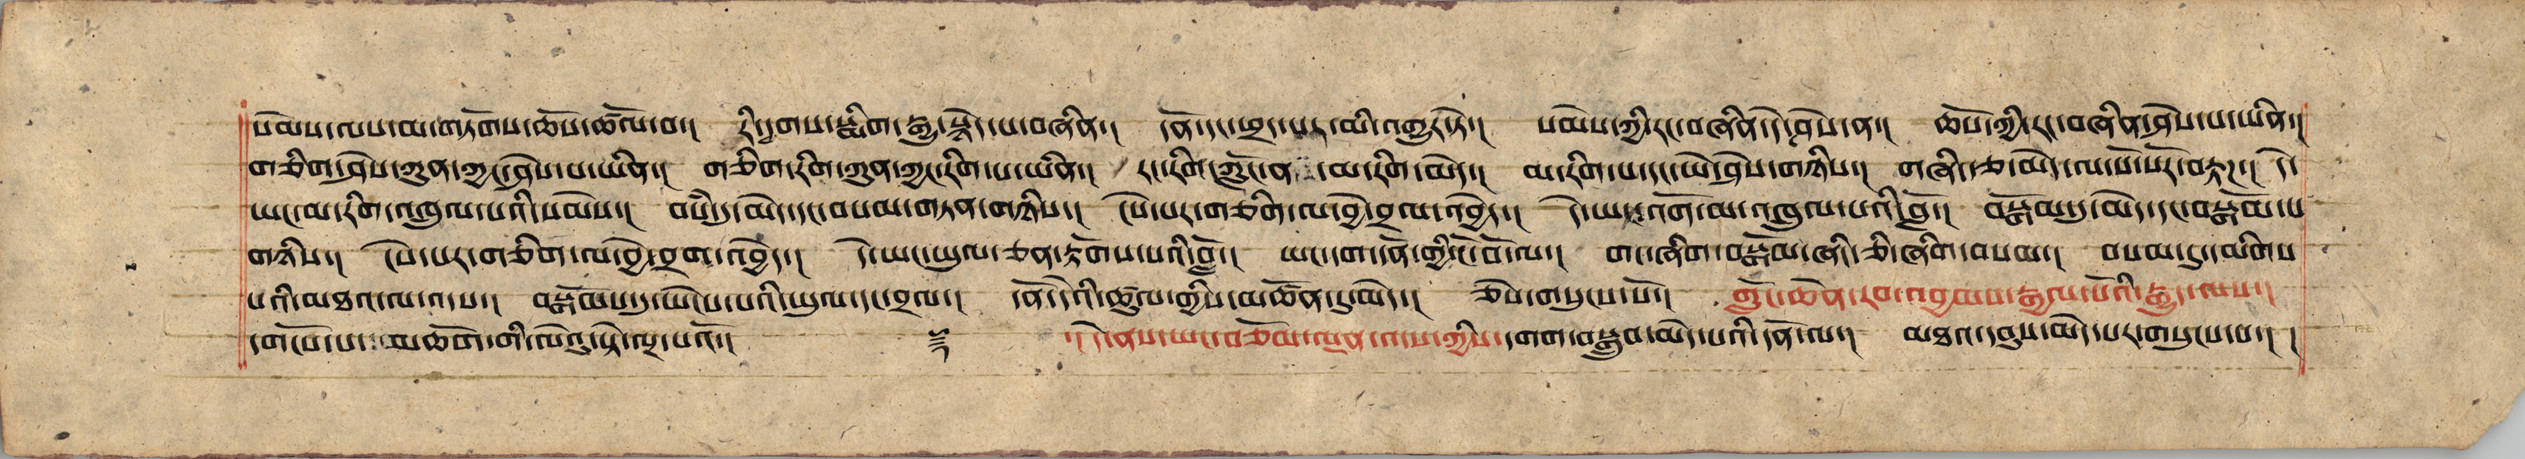སེམས་ལས་མ་གཏོགས་ཆོས་ཚོལ་བ་། རི་དྭགས་སྨིག་རྒྱུ་རྙེད་པ་བཞིན་། དོན་དང་ཕྲད་པར་མི་འགྱུར་སྟེ་། སེམས་ཀྱི་རང་བཞིན་དེ་ཤེས་ན་། ཆོས་ཀྱི་རང་བཞིན་ཤེས་པ་ཡིན་།
གཅིག་ཤེས་ཀུན་ཀྱང་ཤེས་པ་ཡིན་། གཅིག་རིག་ཀུན་ཀྱང་རིག་པ་ཡིན་། རང་རིག་ཀློང་ན་མ་རིག་མེད་། མ་རིག་པ་དང་ཡེ་ཤེས་གཉིས་། གཞི་རྩ་མེད་པ་སོ་སོར་བརྟཌ་། དེ་
ཡང་མ་རིག་འཁྲུལ་པའི་སེམས་། བསཾ་དུ་མེད་དང་བསམ་གཏན་གཉིས་། ངེས་པར་གཅིག་ལ་བྱེ་བྲལ་འབྱེད་། དེ་ཡང་འགོ་མ་འཁྲུལ་པའི་བློ་། བསྒོམ་དུ་མེད་དང་བསྒོམ་པ་
གཉིས་། ངེས་པར་གཅིག་ལ་བྱེ་བྲག་འབྱེད་། དེ་ཡང་ཡུལ་ཅན་རྟོགས་པའི་བློ་། ཡང་དག་དོན་གྱི་ངོ་བོ་ལ་། གང་ཞིག་བསྒོམ་ཞིང་ཅི་ཞིག་བསམ་། བསམ་དུ་དམིགས་
པའི་མཐའ་ལ་འདས་། བསྒོམས་དུ་ཡེངས་པའི་ཡུལ་དང་བྲལ་། དོན་དེའི་ཚུལ་གྱིས་མཚོན་དུ་མེད་། ཅེས་གསུངས་སོ་། གློང་ཆེན་རབ་འབྱམས་རྒྱལ་པོའི་རྒྱུད་ལས་།
དགོངས་པ་མཆོག་གི་ལེའུ་སྟེ་ལྔ་པའོ་། ༈ ་།དེ་ནས་ཡང་བཅོམ་ལྡན་འདས་ཀྱིས་དགག་བསྒྲུབ་མེད་པའི་དོན་ལ་། མཐའ་དབུས་མེད་པར་གསུངས་བ་། །